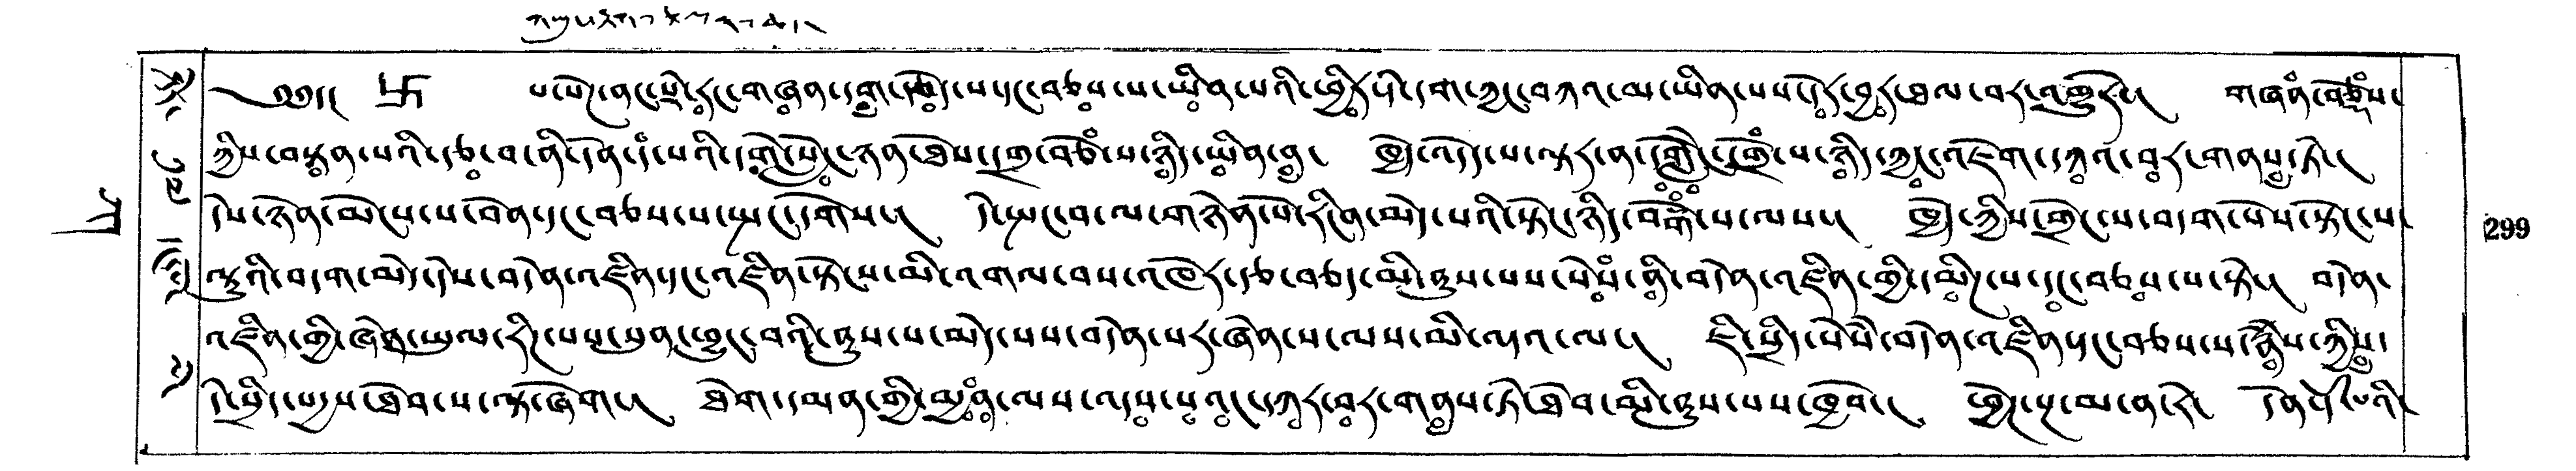པ་སོགས་ནང་སྡེ་རང་གཞན་དག་རྩོད་པ་དང་བཅས་པ་ཡིན་པའི་ཕྱིར་དེ་དག་ཀྱང་བཀའ་མ་ཡིན་པས་དོར་བྱར་ཐལ་བར་འགྱུར་རོ། གཞན་བཅོམ་ལྡན་འདས་
ཀྱིས་བསྟན་པའི་རྩ་བ་ནི་དོན་དམ་པའི་དགེ་སློང་ཉན་ཐོས་དགྲ་བཅོམ་པ་ཉིད་ཡིན་ན། ཁྱེད་ཀྱི་འདོད་པ་ལྟར་ན་དགེ་སློང་དགྲ་བཅོམ་པ་ཉིད་ཀྱང་འཇོག་དཀའ་བར་གནས་ཏེ། 
དེས་ཉོན་མོངས་ས་བོན་དང་བཅས་པ་སྤང་དགོས། དེ་སྤང་བ་ལ་གཉེན་པོ་རང་བཞིན་མེད་པའི་སྟོང་ཉིད་བསྒོམ་པ་ལས། ཁྱོད་ཀྱིས་གྲོང་ས་བདག་པོས་སྟོངས་པ་
ལྟ་བུའི་བདག་མེད་དེས་བདེན་འཛིན་དང་འཛིན་སྟངས་མི་འགལ་བས་འཁོར་རྩ་གཅོད་མི་ནུས་པས་སེམས་ནི་བདེན་འཛིན་གྱི་དམིགས་པ་དང་བཅས་པ་སྟེ། བདེན་
འཛིན་གྱི་ཞེན་ཡུལ་རིགས་པས་སུན་ཕྱུང་བའི་ནུས་པ་མེད་པས་བདེན་པར་ཞེན་པ་ལས་མི་འདའ་ལ། ཇི་སྲིད་སེམས་བདེན་འཛིན་དང་བཅས་པ་རྣམས་ཀྱིས་
དེ་སྲིད་སངས་རྒྱས་འཐོབ་པ་ལྟ་ཞོག ཐེག་དམན་གྱི་མྱ་ངན་ལས་འདས་པའང་དཀའ་བར་གནས་ཏེ་འཐོབ་མི་ནུས་པས་ཁྱབ་བོ། ཕྱོགས་སྔ་མ་ན་རེ། དོན་དམ་པའི་